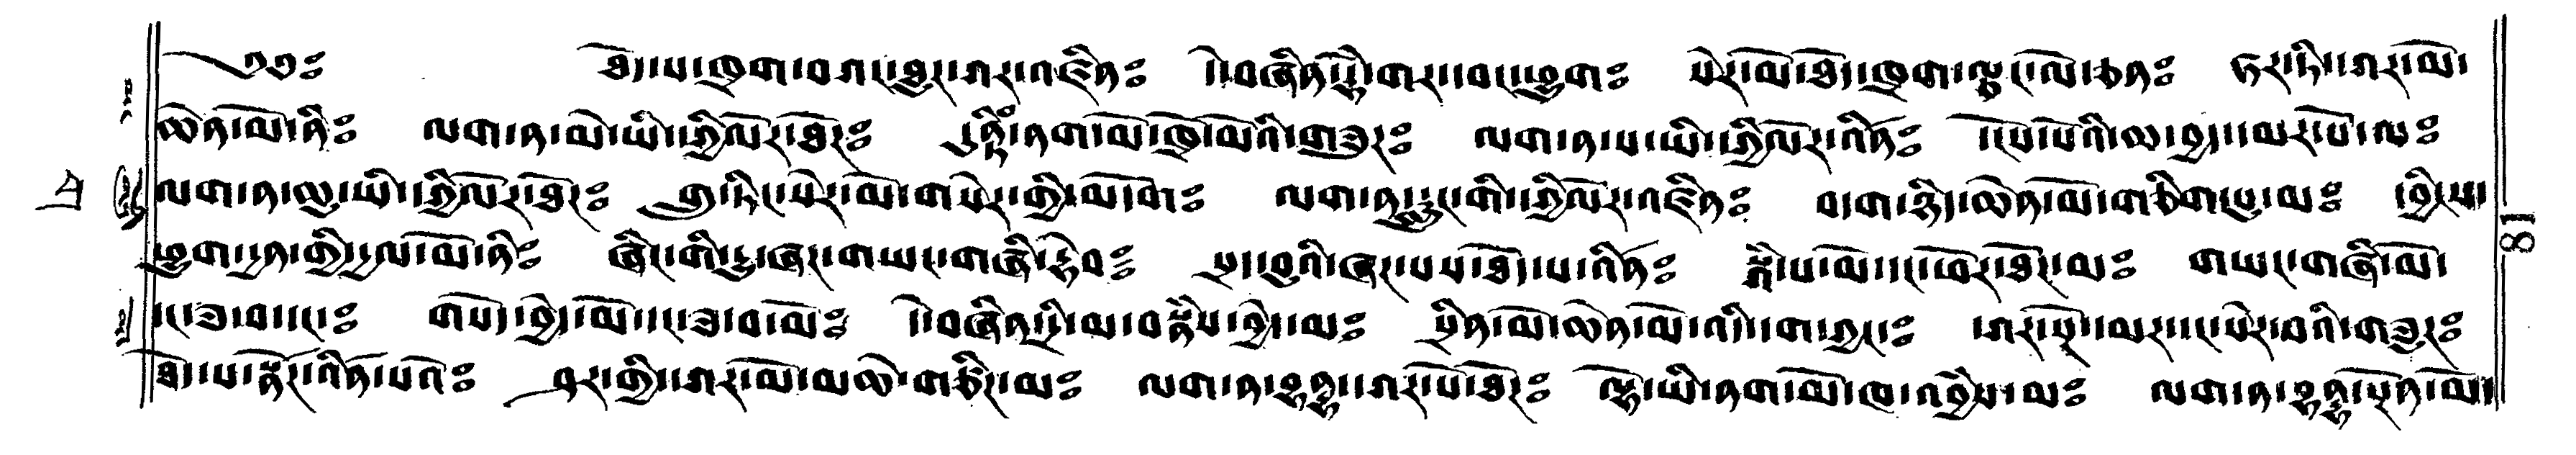ཐོད་པ་ཁྲག་བཀང་ཐུགས་ཀར་འཛིནཿ དེ་བཞིན་རྡོ་རྗེ་གར་དབང་ཕྱུགཿ སེར་མོ་ཐོད་ཁྲག་ལྕང་ལོ་ཅནཿ ཧར་ཏི་དཀར་མོ་
ཆེན་མོ་ནིཿ ལག་ན་མེ་ཡི་དཀྱིལ་འཁོར་ཐོགསཿ དུནྟིཾ་ནག་མོ་ཁྲོ་མོའི་གཟུགསཿ ལག་ན་ས་ཡི་དཀྱིལ་འཁོར་འཛིནཿ དངོས་པོའི་ཆ་བྱད་དམར་པོ་ལཿ 
ལག་ན་ཆུ་ཡི་དཀྱིལ་འཁོར་ཐོགསཿ གྲུ་ཏིང་སེར་མོ་གསེར་གྱི་མདོགཿ ལག་ན་རླུང་གི་དཀྱིལ་འཁོར་འཛིནཿ བདག་ཉིད་ཆེན་མོ་གཅིག་པུ་མཿ དབྱིངས་
ཕྱུག་རྒྱན་གྱི་རྒྱལ་མོ་ནིཿ ཞིང་གི་རྒྱུ་ཞགས་གཡང་གཞི་རྡེབཿ སྲད་བུའི་ཞགས་པས་ཐོད་པ་འཛིནཿ སྐམ་པ་མོ་དང་ཕོར་ཐོགས་མཿ གཡང་གཞི་མོ་
དང་ཟ་བ་དང་ཿ གསོད་བྱེད་མོ་དང་ཟ་བ་མོཿ དེ་བཞིན་དྲི་མ་བསྣམས་བྱེད་མཿ སྲིན་མོ་ཆེན་མོ་འདི་དག་ཀྱང་ཿ དཀར་སྔོ་དམར་དང་སེར་བའི་གཟུགསཿ 
ཐོད་པ་སྣ་ཚོགས་འཛིན་པའོཿ ཤར་གྱི་དཀར་མོ་མཆེ་གཙིགས་མཿ ལག་ན་བྷནྡྷ་དཀར་པོ་ཐོགསཿ ལྷོ་ཡི་ནག་མོ་ཁ་འབྱམས་མཿ ལག་ན་བྷནྡྷ་སྔོན་མོ་